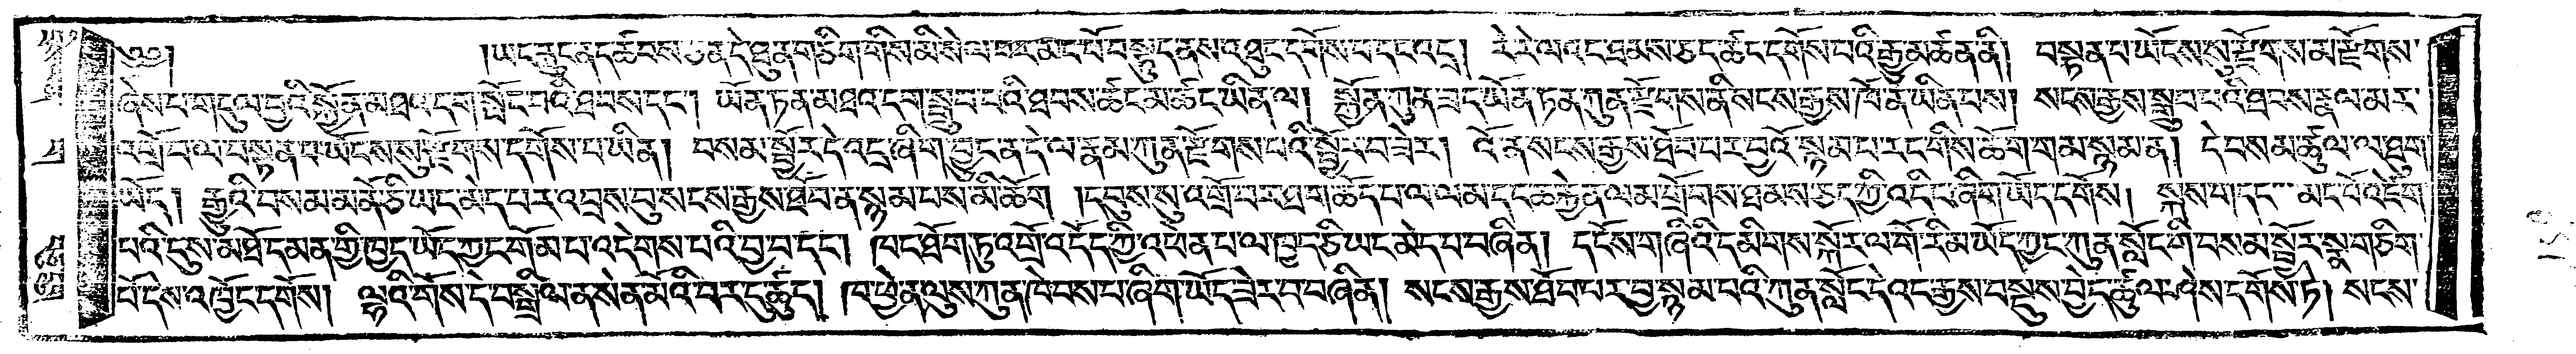༄༅། །ཡང་རླུང་ནད་ཚབས་ཅན་དེ་ཐུན་གཅིག་གིས་མི་སེལ་བར་མང་པོ་བསྟུད་ནས་འཐུང་དགོས་པ་དང་འདྲ། རེ་རེ་ལའང་ཐམས་ཅད་ཚང་དགོས་བའི་རྒྱུ་མཚན་ནི། བསྟན་པ་ཡོངས་སུ་རྫོགས་མ་རྫོགས་
ཞེས་པ་གདུལ་བྱའི་སྐྱོན་མཐའ་དག་སྤོང་བའི་ཐབས་དང་། ཡོན་ཏན་མཐའ་དག་སྒྲུབ་པའི་ཐབས་ཚང་མ་ཚང་ཡིན་ལ། སྐྱོན་ཀུན་ཟད་ཡོན་ཏན་ཀུན་རྫོགས་ནི་སངས་རྒྱས་ཁོ་ན་ཡིན་པས། སངས་རྒྱས་སྒྲུབ་པའི་ཐབས་རྣལ་མར་
འགྲོ་བ་ལ་བསྟན་པ་ཡོངས་སུ་རྫོགས་དགོས་པ་ཡིན། བསམ་སྦྱོར་དེ་འདྲ་ཞིག་བྱུང་ན་དེ་ལ་རྣམ་ཀུན་རྫོགས་པའི་སྦྱོར་བ་ཟེར། འོ་ན་སངས་རྒྱས་ཐོབ་པར་བྱའོ་སྙམ་པ་རང་གིས་ཆོག་གམ་སྙམ་ན། དེ་བསམ་ཚུལ་ལ་ཐུག་
ཡོད། རྒྱུའི་བསམ་མནོ་ཅི་ཡང་མེད་པར་འབྲས་བུ་སངས་རྒྱས་ཐོབ་ན་སྙམ་པས་མི་ཆོག །དབུས་སུ་འགྲོ་བར་ཐག་ཆོད་པ་ལ་ལམ་དང་ཆ་རྐྱེན་ལམ་གྲོགས་ཐམས་ཅད་ཀྱི་འདིང་ཞིག་ཡོད་དགོས། སྐས་གདངས?་མང་པོ་འཇོག་
པའི་དུས་མཐོ་དམན་གྱི་ཁྱད་ཡོད་ཀྱང་གོམ་པ་འདེགས་པའི་བྱ་བ་དང་། ཁང་ཐོག་ཏུ་འགྲོ་འདོད་ཀྱི་འཕེན་པ་ལ་ཁྱད་ཅི་ཡང་མེད་པ་བཞིན། དངོས་གཞིའི་དམིགས་སྐོར་ལ་གོ་རིམ་ཡོད་ཀྱང་ཀུན་སློང་གི་བསམ་སྦྱོར་སྣ་གཅིག་
པོ་དེས་འཁྱོད་དགོས། ལྷའི་གོས་དེ་བསྒྲིལ་ན་སེན་མོའི་བར་དུ་ཚུད། ཁ་ཕྱེ་ན་ལུས་ཀུན་ཁེབས་པ་ཞིག་ཡོད་ཟེར་བ་བཞིན། སངས་རྒྱས་ཐོབ་པར་བྱ་སྙམ་པའི་ཀུན་སློང་དེའང་རྒྱས་བསྡུས་བྱེད་ཚུལ་ཤེས་དགོས་ཏེ། སངས་